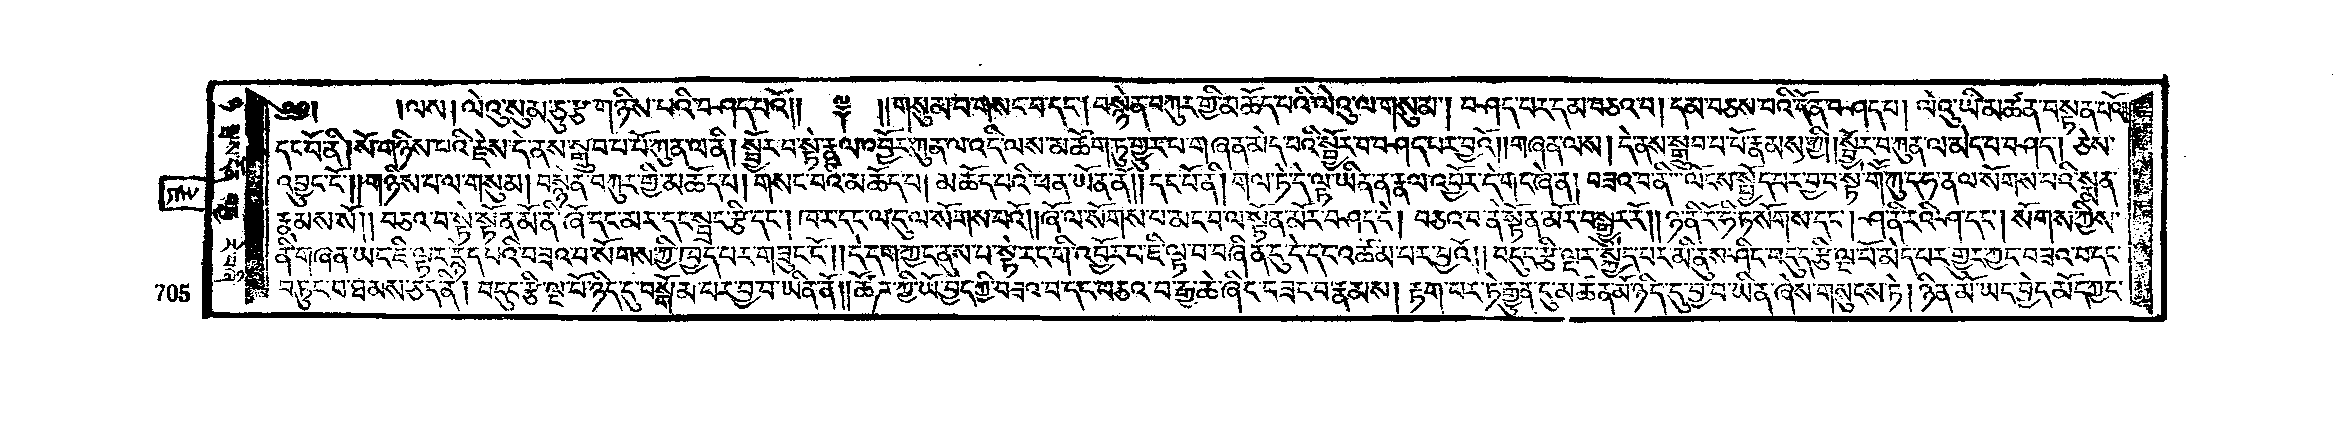༄༅། །ལས། ལེའུ་སུམ་ཅུ་རྩ་གཉིས་པའི་བཤད་པའོ།། ༈ །།གསུམ་པ་གསང་བ་དང་། བསྙེན་བཀུར་གྱི་མཆོད་པའི་ལེའུ་ལ་གསུམ། བཤད་པར་དམ་བཅའ་བ། དམ་བཅས་པའི་དོན་བཤད་པ། ལེའུ་ཡི་མཚན་བསྟན་པའོ། །
དང་པོ་ནི། སོ་གཉིས་པའི་རྗེས་དེ་ནས་སྒྲུབ་པ་པོ་ཀུན་ལ་ནི། སྦྱོར་བ་སྟེ་རྣལ་འབྱོར་ཀུན་ལ་འདི་ལས་མཆོག་ཏུ་གྱུར་པ་གཞན་མེད་པའི་སྦྱོར་བ་བཤད་པར་བྱའོ། །གཞན་ལས། དེ་ནས་སྒྲུབ་པ་པོ་རྣམས་ཀྱི། །སྦྱོར་བ་ཀུན་ལ་མེད་པ་བཤད། ཅེས་
འབྱུང་ངོ། །གཉིས་པ་ལ་གསུམ། བསྙེན་བཀུར་གྱི་མཆོད་པ། གསང་བའི་མཆོད་པ། མཆོད་པའི་ཕན་ཡོན་ནོ། །དང་པོ་ནི། གལ་ཏེ་དེ་ལྟ་ཡིན་ན་རྣལ་འབྱོར་དེ་གང་ཞེ་ན། བཟའ་བ་ནི་ལོངས་སྤྱོད་པར་བྱ་བ་སྟེ་གཽ་ཀུ་ད་ཧ་ན་ལ་སོགས་པའི་སྨན་
རྣམས་སོ། །བཅའ་བ་སྟེ་སྟོན་མོ་ནི་ཞོ་དང་མར་དང་སྦྲང་རྩི་དང་། ཁ་ར་དང་ལ་དུ་ལ་སོགས་པའོ། །ཞོ་ལ་སོགས་པ་མང་བ་ལ་སྟོན་མོར་བཤད་དེ། བཅའ་བ་ནི་སྟོན་མོར་བསྒྱུར་རོ། །ཉ་ནི་རོ་ཧི་ཏ་སོགས་དང་། ཤ་ནི་རའི་ཤ་དང་། སོགས་ཀྱིས་
ནི་གཞན་ཡང་ཇི་ལྟར་རྙེད་པའི་བཟའ་བ་སོགས་ཀྱི་ཁྱད་པར་གཟུང་ངོ། །དེ་དག་ཀྱང་ནུས་པ་སྟེ་རང་གི་འབྱོར་པ་ཇི་ལྟ་བ་བཞིན་དུ་དེ་དང་འཚམ་པར་བྱའོ། །བདུད་རྩི་ལྔར་སྐྱེད་པར་མི་ནུས་ཤིང་བདུད་རྩི་ལྔ་པོ་མེད་པར་གྱུར་ཀྱང་བཟའ་བ་དང་
བཏུང་བ་ཐམས་ཅད་ནི། བདུད་རྩི་ལྔ་པོ་ཉིད་དུ་བསྒོམ་པར་བྱ་བ་ཡིན་ནོ། །ཚོགས་ཀྱི་ཡོ་བྱད་ཀྱི་བཟའ་བ་དང་བཅའ་བ་རྒྱ་ཆེ་ཞིང་བཟང་བ་རྣམས། རྟག་པར་ཏེ་རྒྱུན་དུ་མཚན་མོ་ཉིད་དུ་བྱ་བ་ཡིན་ཞེས་གསུངས་ཏེ། ཉིན་མོ་ཡང་བྱེད་མོད་ཀྱང་